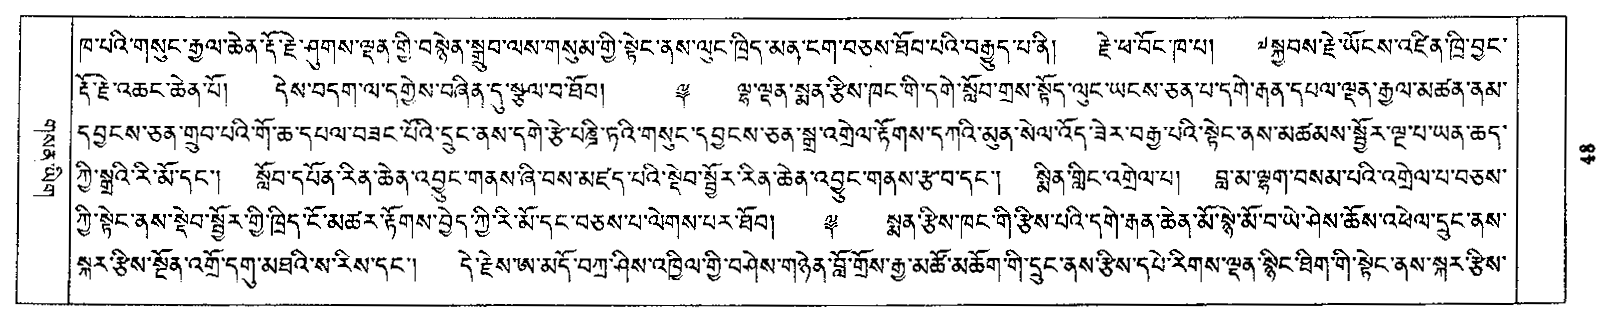ཁ་པའི་གསུང་རྒྱལ་ཆེན་རྡོ་རྗེ་ཤུགས་ལྡན་གྱི་བསྙེན་སྒྲུབ་ལས་གསུམ་གྱི་སྟེང་ནས་ལུང་ཁྲིད་མན་ངག་བཅས་ཐོབ་པའི་བརྒྱུད་པ་ནི། རྗེ་ཕ་བོང་ཁ་པ། ༧སྐྱབས་རྗེ་ཡོངས་འཛིན་ཁྲི་བྱང་
རྡོ་རྗེ་འཆང་ཆེན་པོ། དེས་བདག་ལ་དགྱེས་བཞིན་དུ་སྩལ་བ་ཐོབ། ༈ ལྷ་ལྡན་སྨན་རྩིས་ཁང་གི་དགེ་སློབ་གྲས་སྟོད་ལུང་ཡངས་ཅན་པ་དགེ་རྒན་དཔལ་ལྡན་རྒྱལ་མཚན་ནམ་
དབྱངས་ཅན་གྲུབ་པའི་གོ་ཆ་དཔལ་བཟང་པོའི་དྲུང་ནས་དགེ་རྩེ་པཎྜི་ཏའི་གསུང་དབྱངས་ཅན་སྒྲ་འགྲེལ་རྟོགས་དཀའི་མུན་སེལ་འོད་ཟེར་བརྒྱ་པའི་སྟེང་ནས་མཚམས་སྦྱོར་ལྔ་བ་ཡན་ཆད་
ཀྱི་སྒྲའི་རི་མོ་དང་། སློབ་དཔོན་རིན་ཆེན་འབྱུང་གནས་ཞི་བས་མཛད་པའི་སྡེབ་སྦྱོར་རིན་ཆེན་འབྱུང་གནས་རྩ་བ་དང་། སྨིན་གླིང་འགྲེལ་པ། བླ་མ་ལྷག་བསམ་པའི་འགྲེལ་པ་བཅས་
ཀྱི་སྟེང་ནས་སྡེབ་སྦྱོར་གྱི་ཁྲིད་ངོ་མཚར་རྟོགས་བྱེད་ཀྱི་རི་མོ་དང་བཅས་པ་ལེགས་པར་ཐོབ། ༈ སྨན་རྩིས་ཁང་གི་རྩིས་པའི་དགེ་རྒན་ཆེན་མོ་སྙེ་མོ་བ་ཡེ་ཤེས་ཆོས་འཕེལ་དྲུང་ནས་
སྐར་རྩིས་སྔོན་འགྲོ་དགུ་མཐའི་ས་རིས་དང་། དེ་རྗེས་ཨ་མདོ་བཀྲ་ཤིས་འཁྱིལ་གྱི་བཤེས་གཉེན་བློ་གྲོས་རྒྱ་མཚོ་མཆོག་གི་དྲུང་ནས་རྩིས་དཔེ་རིགས་ལྡན་སྙིང་ཐིག་གི་སྟེང་ནས་སྐར་རྩིས་